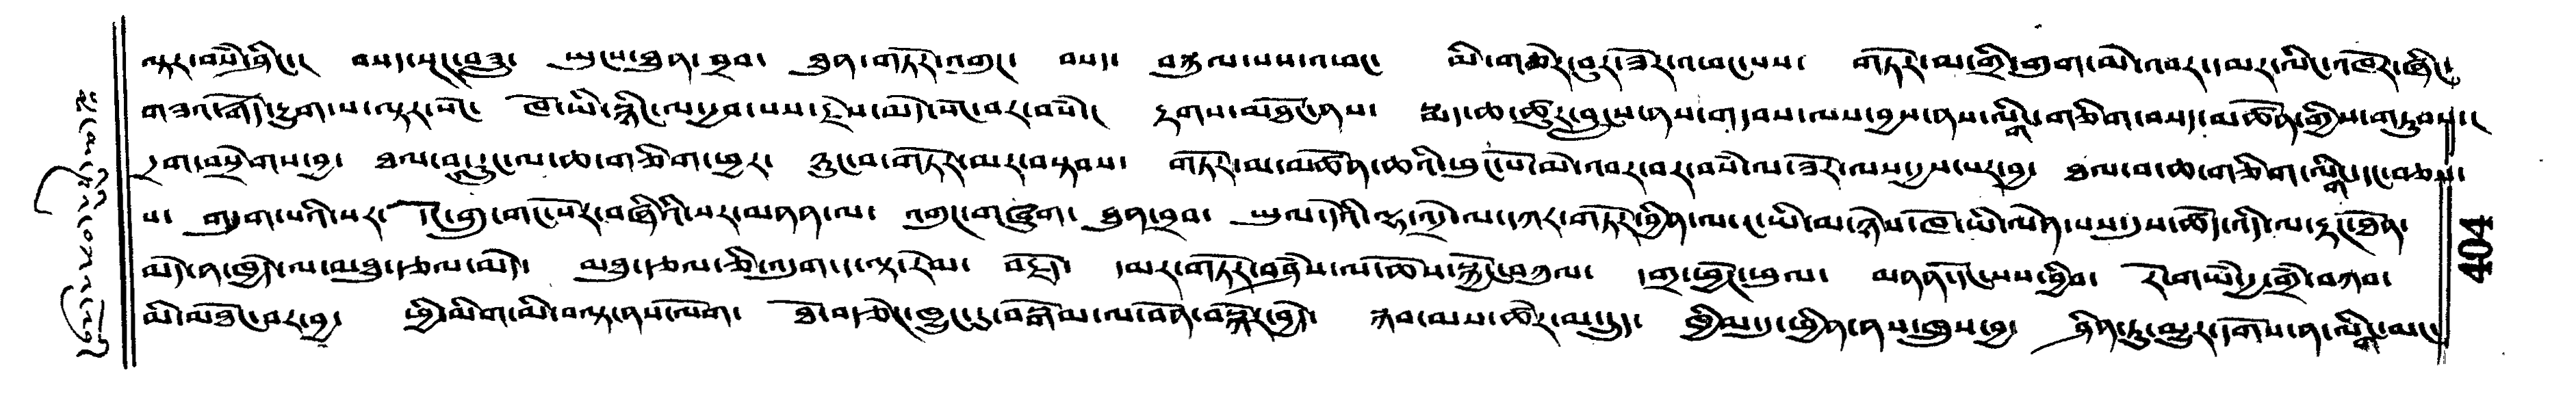ལྟར་བསམ་ཤིང་། བསད་སྔགས་བཟླ། ཡུངས་ཐུན་བྲབ། ཐུན་གཏོར་འགུགས། བསད། བསྐུལ་པས་འཕང་། མི་གཅེར་བུར་ཟོར་འཕངས་པས་གཏོར་མ་གྲི་གུག་མེ་འབར་དམར་ལིང་འཁོར་ཞིང་། 
གཟའ་རྒོད་རྒྱུག་པ་ལྟར་སོང་། ཁོ་ཡི་སྙིང་ལ་རྒྱབ་པས་རྗེས་མེད་སོང་བར་བསམ། རྟགས་མཐོང་ནས་སྨད་ཆ་ཚུར་བླངས་ཏེ་གདབས་ལས་བྱས་ནས་ལིངྒ་གཅིག་བསད་མཚོན་གྱིས་གཏུབ། 
དྲག་སྲེག་བྱ། ཐལ་བ་རླུང་ལ་ཆ་གཅིག་ཕྱར། ཉུང་བ་གཏོར་མར་བསྟབ། གཏོར་མ་མཚོན་ཆའི་ཕུང་པོ་མེ་འབར་བར་བསམ་ལ་ཟོར་ལས་རྒྱས་པར་བྱ། ཐལ་བ་ཆ་གཅིག་ལིངྒ་དང་བཅས་
པ་གདུག་པའི་སར་དོང་ཁྲུ་གང་སོར་བཞིའི་སར་མནན་ལ། འགུགས་བཞུག ཐུན་བྲབ། ཡུལ་དེའི་ལྷ་འདྲེ་ལ་དཀར་གཏོར་བྱིན་ལ་ང་ཡིས་མ་ཉེས་ཁོ་ཡི་ལན་པས་དུས་ཚོད་འདི་ལ་རྟགས་མ་ཐོན་
མེད་ན་ཁྱེད་ལ་མཐུ་རྩལ་མེད།མཐུ་རྩལ་ཅི་འདུག་ད་ལྟ་རེམ། བརྗོད། དམར་གཏོར་བཤམས་ལ་ཆོས་སྐྱོང་བསྐུལ། དགྲ་ཕྱོགས་ཕུལ། མནན་དོང་སས་བྱིབས། རོ་གཡམ་རྒྱ་གྲམ་བཀབ་
མས་མི་མཐོང་བར་བྱ། ཕྱི་མིག་མི་བལྟ་བར་ལོག ཐོ་བརྩེགས་ཁྱུང་དུ་སྒོམ་ལ་བོན་བསྐོར་བྱེད། སྐམ་པས་ཚེར་མ་དྲུད། ཁྱིམ་དུ་ཕྱིན་ནས་ཁྲུས་བྱ། ཤིན་ཏུ་མྱུར་དགོས་ན་ལིངྒ་མང་